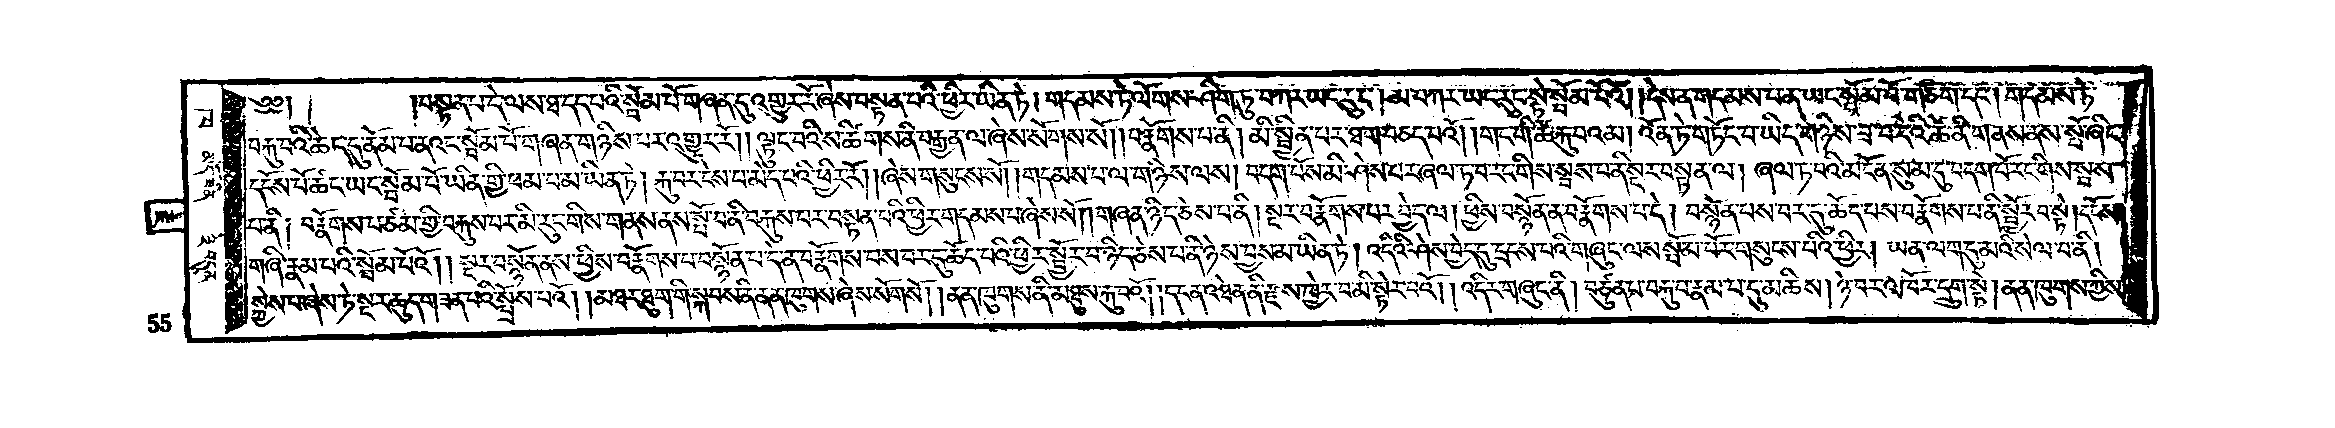༄༅། །བསྟན་པ་དེ་ལས་ཐ་དད་པའི་སྦོམ་པོ་གཞན་དུ་འགྱུར་རོ་ཞེས་བསྟན་པའི་ཕྱིར་ཡིན་ཏེ། གདམས་ཏེ་ལོགས་ཤིག་ཏུ་བཀར་ཡང་རུང་། མ་བཀར་ཡང་རུང་སྟེ་སྦོམ་པོའོ། །དེས་ན་གདམས་པ་ན་ཡང་སྦོམ་པོ་གཅིག་དང་། གདམས་ཏེ་
བརྐུ་བའི་ཆེད་དུ་ནོམ་པ་ནའང་སྦོམ་པོ་གཞན་གཉིས་པར་འགྱུར་རོ། །ལྟུང་བའི་ས་ཚིགས་ནི་བརྒྱན་ལ་ཞེས་སོགས་སོ། །བརྣོགས་པ་ནི། མི་སྦྱིན་པར་ཐག་བཅད་པའོ། །གང་གི་ཚེ་རྐུ་བའམ། འོན་ཏེ་གཏོང་བ་ཡིད་གཉིས་ཟ་བ་དེའི་ཚེ་ནི་གནས་ནས་སྤོ་ཞིང་
དངོས་པོ་ཚང་ཡང་སྦོམ་པོ་ཡིན་གྱི་ཕམ་པ་མ་ཡིན་ཏེ། རྐུ་བར་ངེས་པ་མེད་པའི་ཕྱིར་རོ། །ཞེས་གསུངས་སོ། །གདམས་པ་ལ་གཉིས་ལས། བདག་པོས་མི་ཤེས་པར་ཞལ་ཏ་བ་རང་གིས་སྦས་པ་ནི་སྔར་བསྟན་ལ། ཞལ་ཏ་བའི་མངོན་སུམ་དུ་བདག་པོ་རང་གིས་སྦས་
པ་ནི། བརྣོགས་པ་ཙམ་གྱི་བརྐུས་པར་མི་རུང་གིས་གནས་ནས་སྤོ་བ་ནི་བརྐུས་པར་བསྟན་པའི་ཕྱིར་གདམས་པ་ཞེས་སོ། །གཞན་ཉིད་ཅེས་པ་ནི། སྔར་བརྣོགས་པར་བྱེད་ལ། ཕྱིས་བསྙོན་ན་བརྣོགས་པ་དེ། བསྙོན་པས་བར་དུ་ཆོད་པས་བརྣོགས་པ་ནི་སྦྱོར་བ་སྟེ། དངོས་
གཞི་རྣམ་པའི་སྦོམ་པོའོ། །སྔར་བསྙོན་ནས་ཕྱིས་བརྣོགས་པ་བསྙོན་པ་དེ་ན་བརྣོགས་པས་བར་དུ་ཆོད་པའི་ཕྱིར་སྦྱོར་བ་ཉིད་ཅེས་པ་ནི་ཉེས་བྱས་མ་ཡིན་ཏེ། འདིའི་ཤེས་བྱེད་དུ་དྲངས་པའི་གཞུང་ལས་སྦོམ་པོར་གསུངས་པའི་ཕྱིར། ཡན་ལག་དུ་མའི་སེལ་བ་ནི།
སྐྱེས་པ་ཞེས་ཏེ་སྔར་ཆུད་གཟན་པའི་སྤྲོས་པའོ། །མཐར་ཐུག་གི་སྐབས་ནི་ནན་ཁུགས་ཞེས་སོགས་སོ། །ནན་ཁུགས་ནི་མཐུས་རྐུ་བའོ། །དངན་འཐེན་ནི་རྫས་ཁྱེར་བ་མི་སྟེར་བའོ། །འདིར་གཞུང་ནི། བཙུན་པ་བརྐུ་བ་རྣམ་པ་དུ་མཆིས། ཉེ་བར་འཁོར་དྲུག་སྟེ། ནན་ཁུགས་ཀྱིས་